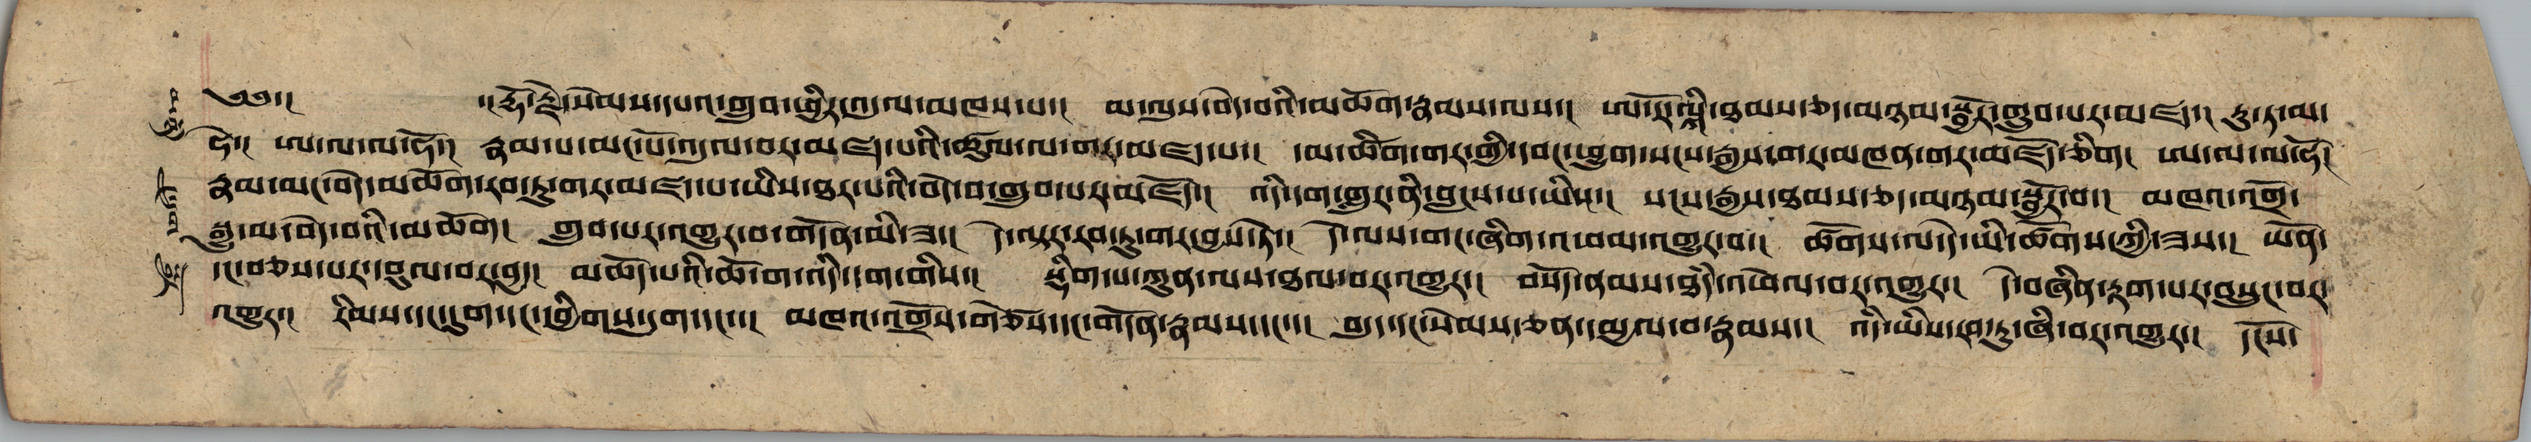༄༅་། ་།རྡོ་རྗེ་སེམས་དཔའ་གྲུབ་ཕྱིར་འདུལ་མཁས་པ་། མ་ལུས་བདེ་བའི་མཆོག་རྣམས་ལས་། ཨ་རོ་ལྐི་ཐམས་ཅད་མཉམ་སྦྱོར་གྲུབ་པར་མཛད་། ཏུ་ཏ་མ་
ཧེ་། ཨ་ལ་ལ་ཧོ་། རྣམ་པ་མང་པོ་འདུལ་བར་མཛད་པའི་ཚུལ་ལ་གར་མཛད་པ་། དམ་ཚིག་གར་གྱི་དབང་ཕྱུག་སངས་རྒྱས་གར་མཁན་གར་མཛོད་ཅིག། ཨ་ལ་ལ་ཧོ།
རྣམ་མང་བདེ་མཆོག་རབ་ཏུ་གར་མཛད་པ་ཡིས་ཐར་པའི་བདེ་བ་གྲུབ་པར་མཛོད་། འདི་དག་གླུར་ནི་བླངས་པ་ཡིས་། སངས་རྒྱས་ཐམས་ཅད་མཉམ་སྦྱོར་བ་། མཁའ་འགྲོ་
སྒྱུ་མ་བདེ་བའི་མཆོག། གྲུབ་པར་འགྱུར་བ་གདོན་མི་ཟ་། དེ་ལྟར་རབ་ཏུ་གར་བྱས་ཏེ་། དེ་ལས་གང་ཞིག་འཕམ་འགྱུར་བ་། ཚོགས་ལ་དེ་ཡི་ཚོགས་ཀྱི་ཟས་། ཡོན་
དང་བཅས་པར་དབུལ་བར་བྱ་། མཆོད་པའི་ཆོ་ག་འདི་དག་གིས་། སྡིག་པ་ཀུན་ལས་ཐལ་བར་འགྱུར་། བསོད་ནམས་ཐཾད་འཕེལ་བར་འགྱུར་། དེ་བཞིན་རྟག་པར་བསྲུང་བར་
འགྱུར་། རིམས་དང་དུག་དང་དབྱིགས་དུག་དང་་། མཁའ་འགྲོས་གཙེས་དང་གདོན་རྣམས་དང་་། བདུད་དང་སེམས་ཅན་དམྱལ་བ་རྣམས་། འདི་ཡིས་རབ་ཏུ་ཞི་བར་འགྱུར་། དངོས་